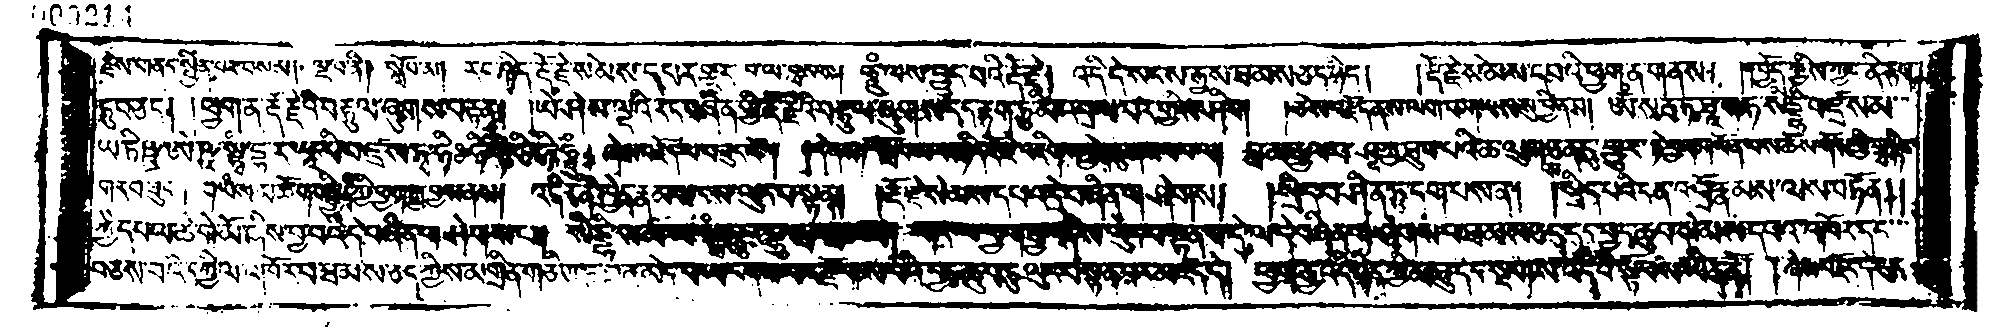རྗེས་གནང་སྦྱིན་པར་བསམ། ལྔ་པ་ནི། སློབ་མ། རང་ཉིད་རྡོ་རྗེ་སེམས་དཔར་གྱུར་བ་ལ་བླ་མས།  ཧཱུཾ་ལས་བྱུང་བའི་རྡོ་རྗེ། འདི་དེ་སངས་རྒྱས་ཐམས་ཅད་ཉིད། །རྡོ་རྗེ་སེམས་དཔའི་ཕྱག་ན་གནས། །ཁྱོད་ཀྱིས་ཀྱང་ནི་རྟག་
ཏུ་བཅད། །ཕྱག་ན་རྡོ་རྗེའི་བརྟུལ་ཞུགས་བརྟན། །ཡེ་ཤེས་ལྔའི་རང་བཞིན་གྱི་རྡོ་རྗེའི་བརྟུལ་ཞུགས་དང་རྟག་ཏུ་མི་འབྲལ་བར་གྱིས་ཤིག ། ཅེས་བརྗོད་ནས་ལག་པ་གཡས་སུ་བྱིན་པ།  ཨོཾ་སརྦ་ཏ་ཐཱ་ག་ཏ་སིདྡྷི་བཛྲ་ས་མ་
ཡ་ཏིཥྚྷ་ཨེ་ཥཱ་སྟྭཾ་དྷ་ར་ཡཱ་མི་བཛྲ་ས་ཏྭ་ཧིཿ ཧི་ཧི་ཧི་ཧི་ཧཱུཾ། ཞེས་བརྗོད་ལ་བཟུང་ངོ། །དེ་ནས། སློབ་མ་རང་ཉིད་རྡོ་རྗེ་འཇིགས་བྱེད་དུ་གསལ་བ་ལ།  བླ་མ་རྒྱལ་བ་ཤཱ་ཀྱ་ཐུབ་པའི་ཆ་ལུགས་ཅན་དུ་གྱུར་ཏེ་ཕྱག་གཡོན་བས་ཆོས་གོས་ཀྱི་གྲྭ་སྙིང་
གར་བཟུང་། གཡིས་མཆོག་སྦྱིན་གྱི་ཕྱག་རྒྱ་བྱས་ནས། འདིར་ནི་ཁྱེད་རྣམས་ངས་ལུང་བསྟན། །རྡོ་རྗེ་སེམས་དཔའ་དེ་བཞིན་གཤེགས། །སྲིད་པ་ཤིན་ཏུ་དག་པས་ན། །སྲིད་པའི་ངན་འགྲོ་རྣམས་ལས་བཏོན།།
ཀྱཻ་དཔལ་ཆེ་གེ་མོ་ཞིས་བྱ་བའི་དེ་བཞིན་གཤེགས་པ། སིདྡྷི་ས་མ་ཡ་སྟྭཾ་བྷུར་བྷུ་རྦ་སྦཿ ཨ། གང་ལ་ཕྱག་རྒྱ་འདིས་ལུང་བསྟན་པ་དེ་ལ་དེ་བཞིན་གཤེགས་པ་ཐམས་ཅད་དང་བྱང་ཆུབ་སེམས་དཔའ་འཁོར་དང་
བཅས་པའི་དཀྱིལ་འཁོར་བ་ཐམས་ཅད་ཀྱིས་མགྲིན་གཅིག་ཏུ་བླ་ན་མེད་པ་ཡང་དག་པར་རྫོགས་པའི་བྱང་ཆུབ་ཏུ་ལུང་བསྟན་པར་མཛད་དེ། ཕྱག་རྒྱ་འདི་ཉིད་ཀྱི་མཐུ་དང་སྔགས་འདིའི་སྟོབས་ཡིན་ནོ། །ཞེས་བརྗོད་དེ་ལུང་